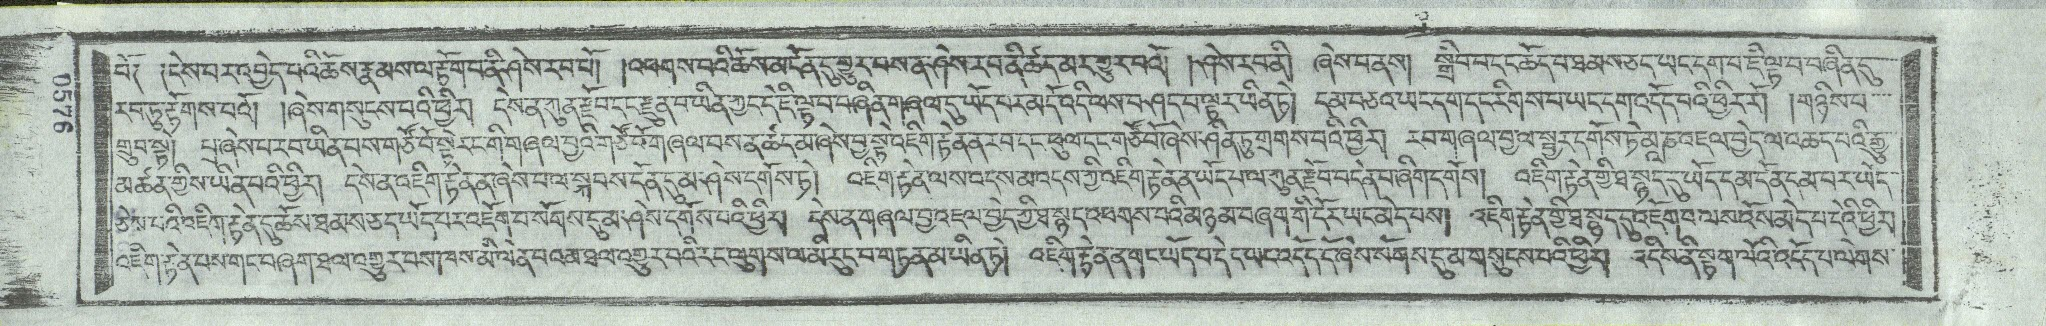པོ༑ ༑ངེས་པར་འབྱེད་པའི་ཆོས་རྣམས་ལ་རྟོག་པ་ནི་ཤེས་རབ་པོ། །འཕགས་པའི་ཆོས་མངོན་དུ་གྱུར་པས་ན་ཤེས་རབ་ནི་ཚད་མར་གྱུར་པའོ། །ཤེས་རབ་ནི། ཞེས་པ་ནས། སྒྲིབ་པ་དང་ཆོད་པ་ཐམས་ཅད་ཡང་དག་པ་ཇི་ལྟ་བ་བཞིན་དུ་
རབ་ཏུ་རྟོགས་པའོ། །ཞེས་གསུངས་པའི་ཕྱིར། དེས་ན་ཀུན་རྫོབ་དང་རྫུན་པ་ཡིན་ཀྱང་དེ་ཇི་ལྟ་བ་བཞིན་གཞལ་དུ་ཡོད་པར་མདོ་འདི་ལས་བཤད་པ་ལྟར་ཡིན་ཏེ། དམ་བཅའ་ཡང་དག་དང་རིགས་པ་ཡང་དག་འདོད་པའི་ཕྱིར་རོ། །གཉིས་པ་
གྲུབ་སྟེ། པྲ་ཞེས་པ་རབ་ཡིན་པས་གཙོ་བོ་སྟེ་རང་གི་གཞལ་བྱའི་གཙོ་བོ་གཞལ་པས་ན་ཚད་མ་ཞེས་བྱ་སྟེ་འཇིག་རྟེན་ན་རབ་དང་ཕུལ་དང་གཙོ་བོ་ཞེས་ཤིན་ཏུ་གྲགས་པའི་ཕྱིར། རབ་གཞལ་བྱ་ལ་སྦྱར་དགོས་ཏེ་མཱཎ་འཇལ་བྱེད་ལ་འཆད་པའི་རྒྱུ་
མཚན་གྱིས་ཡིན་པའི་ཕྱིར། དེས་ན་འཇིག་རྟེན་ན་ཞེས་པ་ལ་སྐབས་དོན་དུ་མ་ཤེས་དགོས་ཏེ། འཇིག་རྟེན་ལས་འདས་མ་འདས་ཀྱི་འཇིག་རྟེན་ན་ཡོད་པ་ལ་ཀུན་རྫོབ་བདེན་པ་ཞིག་དགོས། འཇིག་རྟེན་གྱི་ཐ་སྙད་དུ་ཡོད་དམ་དོན་དམ་པར་ཡོད་
ཅེས་པའི་འཇིག་རྟེན་དུ་ཆོས་ཐམས་ཅད་ཡོད་པར་འཇོག་པ་སོགས་དུ་མ་ཤེས་དགོས་པའི་ཕྱིར། དེས་ན་གཞལ་བྱ་འཇལ་བྱེད་ཀྱི་ཐ་སྙད་འཐགས་པའི་མཉམ་བཞག་གི་དོར་ཡང་མེད་པས། འཇིག་རྟེན་གྱི་ཐ་སྙད་དུ་འཇོག་པ་ལས་འོས་མེད་པ་དེའི་ཕྱིར།
འཇིག་རྟེན་པས་གང་བཞག་ཐལ་འགྱུར་བས་ཁས་མི་ལེན་པའམ་ཐལ་འགྱུར་བའི་རང་ལུགས་ལ་མི་རུང་བ་གཏན་མ་ཡིན་ཏེ། འཇིག་རྟེན་ན་གང་ཡོད་པ་དེང་ཡང་འདོད་དོ་ཞེས་སོགས་དུ་མ་གསུངས་པའི་ཕྱིར། འདིས་ནི་སྟག་ལོའི་འདོད་པ་ལེགས་